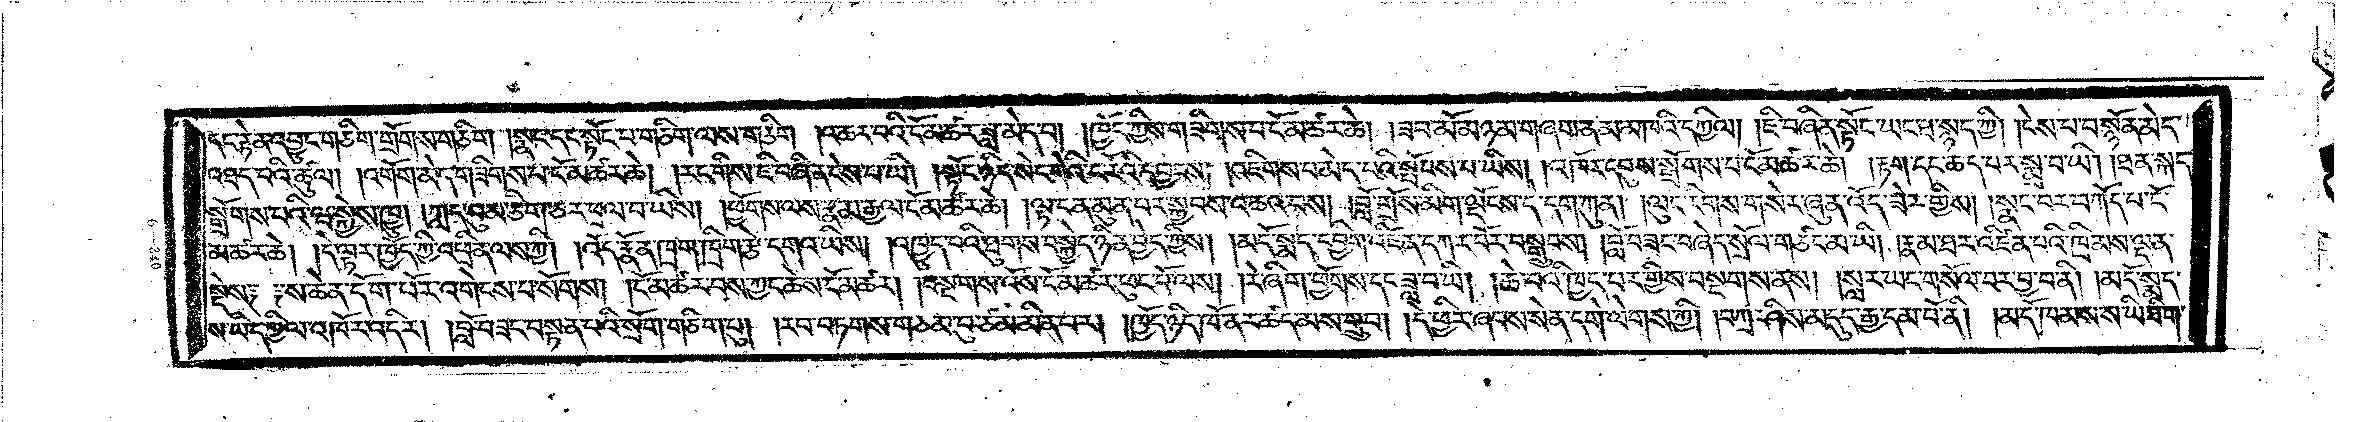དང་རྟེན་འབྱུང་གཅིག་གྲོགས་གཅིག །སྣང་དང་སྟོང་པ་གཅིག་ལས་གཅིག །འཆར་པའི་ངོ་མཚར་ཟླ་མེད་བ། །ཁྱོད་ཀྱིས་གཟིགས་པ་ངོ་མཚར་ཆེ། །ཟབ་མོ་མཉམ་གཞག་ནམ་མཁའི་དཀྱིལ། །ཇི་བཞིན་སྟོང་ཡང་ཐ་སྙད་ཀྱི། །ངེས་པ་བསྙོན་མེད་
འཐད་པའི་ཚུལ། །འགོག་མེད་གཟིགས་པ་ངོ་མཚར་ཆེ། །རང་གིས་ཇི་བཞིན་ངེས་པ་ཡི། །སྟོང་ཉིད་སེང་གེའི་ང་རོའི་དབྱངས། །འཇིགས་པ་མེད་པའི་སྤོབས་པ་ཡིས། །འཁོར་དབུས་སྒྲོགས་པ་ངོ་མཚར་ཆེ། །རྟག་དང་ཆད་པར་སྨྲ་བ་ཡི། །ཐན་སྐད་
སྒྲོགས་པའི་ཝ་སྐྱེས་ཁྱུ། །ཀླད་བུམ་ཅིག་ཅར་ཕྲལ་བ་ཡིས། །ཕྱོགས་ལས་རྣམ་རྒྱལ་ངོ་མཚར་ཆེ། །ལྟ་ངན་མུན་པར་སྐྱབས་འཆའ་བས། །བློ་གྲོས་མིག་ལྡོངས་དེ་དག་ཀུན། །ལུང་ཛིགས?་གསེར་ཞུན་འོད་ཟེར་གྱིས། །སྣང་བར་བཀོད་པ་ངོ་
མཚར་ཆེ། །དེ་ལྟར་ཁྱོད་ཀྱི་འཕྲིན་ལས་ཀྱི། །འོད་རྣོན་ཁྲག་ཁྲིག་རྩེ་དགའ་ཡིས། །འཁྱུད་པའི་ཐུགས་བསྐྱེད་ཉིན་བྱེད་ཀྱིས། །མདོ་སྨད་དབྱིག་འཛིན་དཀར་པོར་བསྒྲུབས། །བློ་བཟང་བཞེད་སྲོལ་གཙང་མ་ཡི། །རྣམ་ཐར་འཛིན་པའི་ཁྲིམས་ལྡན་
སྡེས༑ ༑ས་ཆེན་དོག་པོར་འགེངས་པ་སོགས། །ངོ་མཚར་བས་ཀྱང་ཆེས་ངོ་མཚར། །བསྔགས་འོས་ངོ་མཚར་ཕུང་པོ་ལས། །རེ་ཞིག་ཕྱོགས་དང་ཟླ་བ་ཡི། །ཆེ་བའི་ཁྱིད་པར་གྱིས་བསྔགས་ནས། །སླར་ཡང་གསོལ་བར་བྱ་བ་ནི། །མདོ་སྨད་
དང?་ཡི་དཀྱིལ་འཁོར་བ་དིར། །བློ་བཟང་བསྟན་པའི་སྲོག་གཅིག་པུ། །རབ་བཏགས་གཅམ་བུ་ཙམ་མིན་པར། །ཁྱོད་ཉིད་ཁོ་ནར་ཚད་མས་གྲུབ། །དེ་ཕྱིར་ཞབས་སེན་དགེ་ལེགས་ཀྱི། །བཀྲ་ཤིས་མདུད་རྒྱ་དམ་པོ་ནི། །མདོ་ཁམས་ས་ཡི་ཐི་